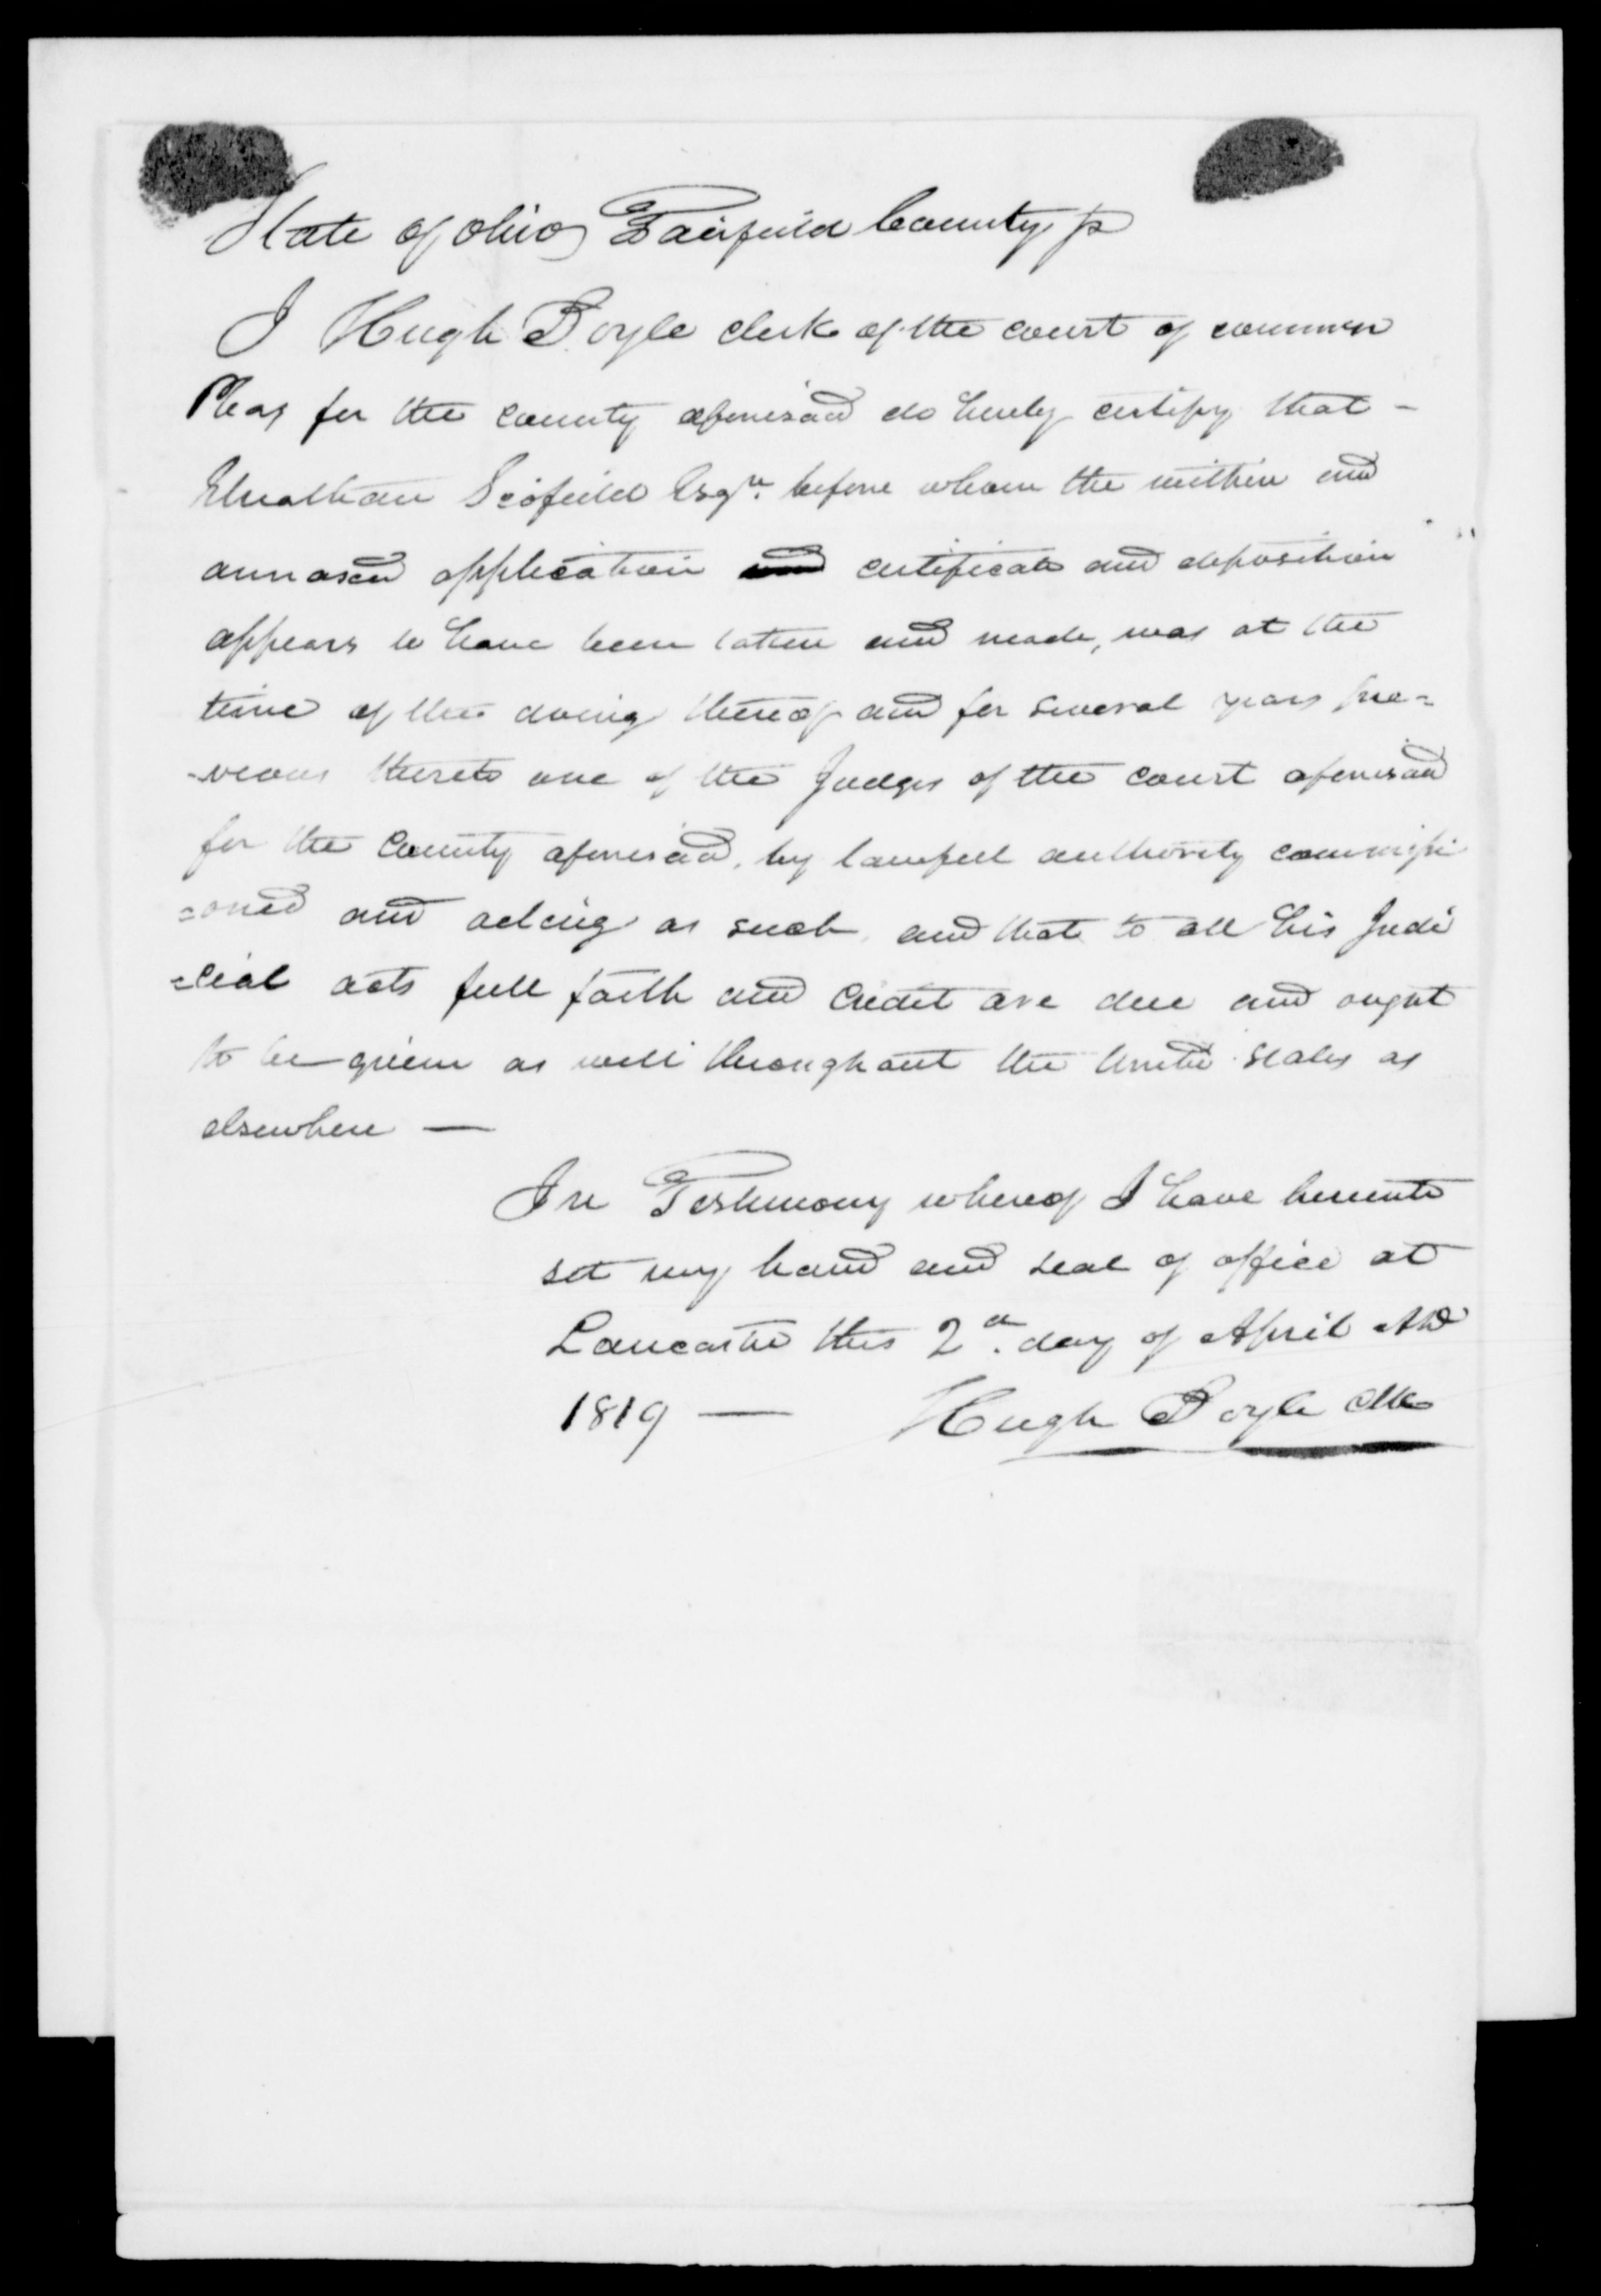State of Ohio Fairfield County ss

I Hugh Boyle Clerk of the Court of Common Pleas for the County aforesaid do hereby certify that Elnathan Scofield Esqr. before whom the within and annexed application certificate and deposition appears to have been taken and made, was at the time of the doing thereof and for several years previous thereto one of the Judges of the Court aforesaid for the County aforesaid, by lawful authority commissioned and acting as such and that to all his Judicial acts full faith and credit are due and ought to be given as well throughout the United States as elsewhere-

In Testimony whereof I have hereunto set my hand and seal of office at Lancaster this 2d. day of April AD 1819-
Hugh Boyle  Clk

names: Elnathan Scofield, Hugh Boyle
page: 22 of 29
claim: survivor's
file: S. 40642, James Waters, Continental (Md)